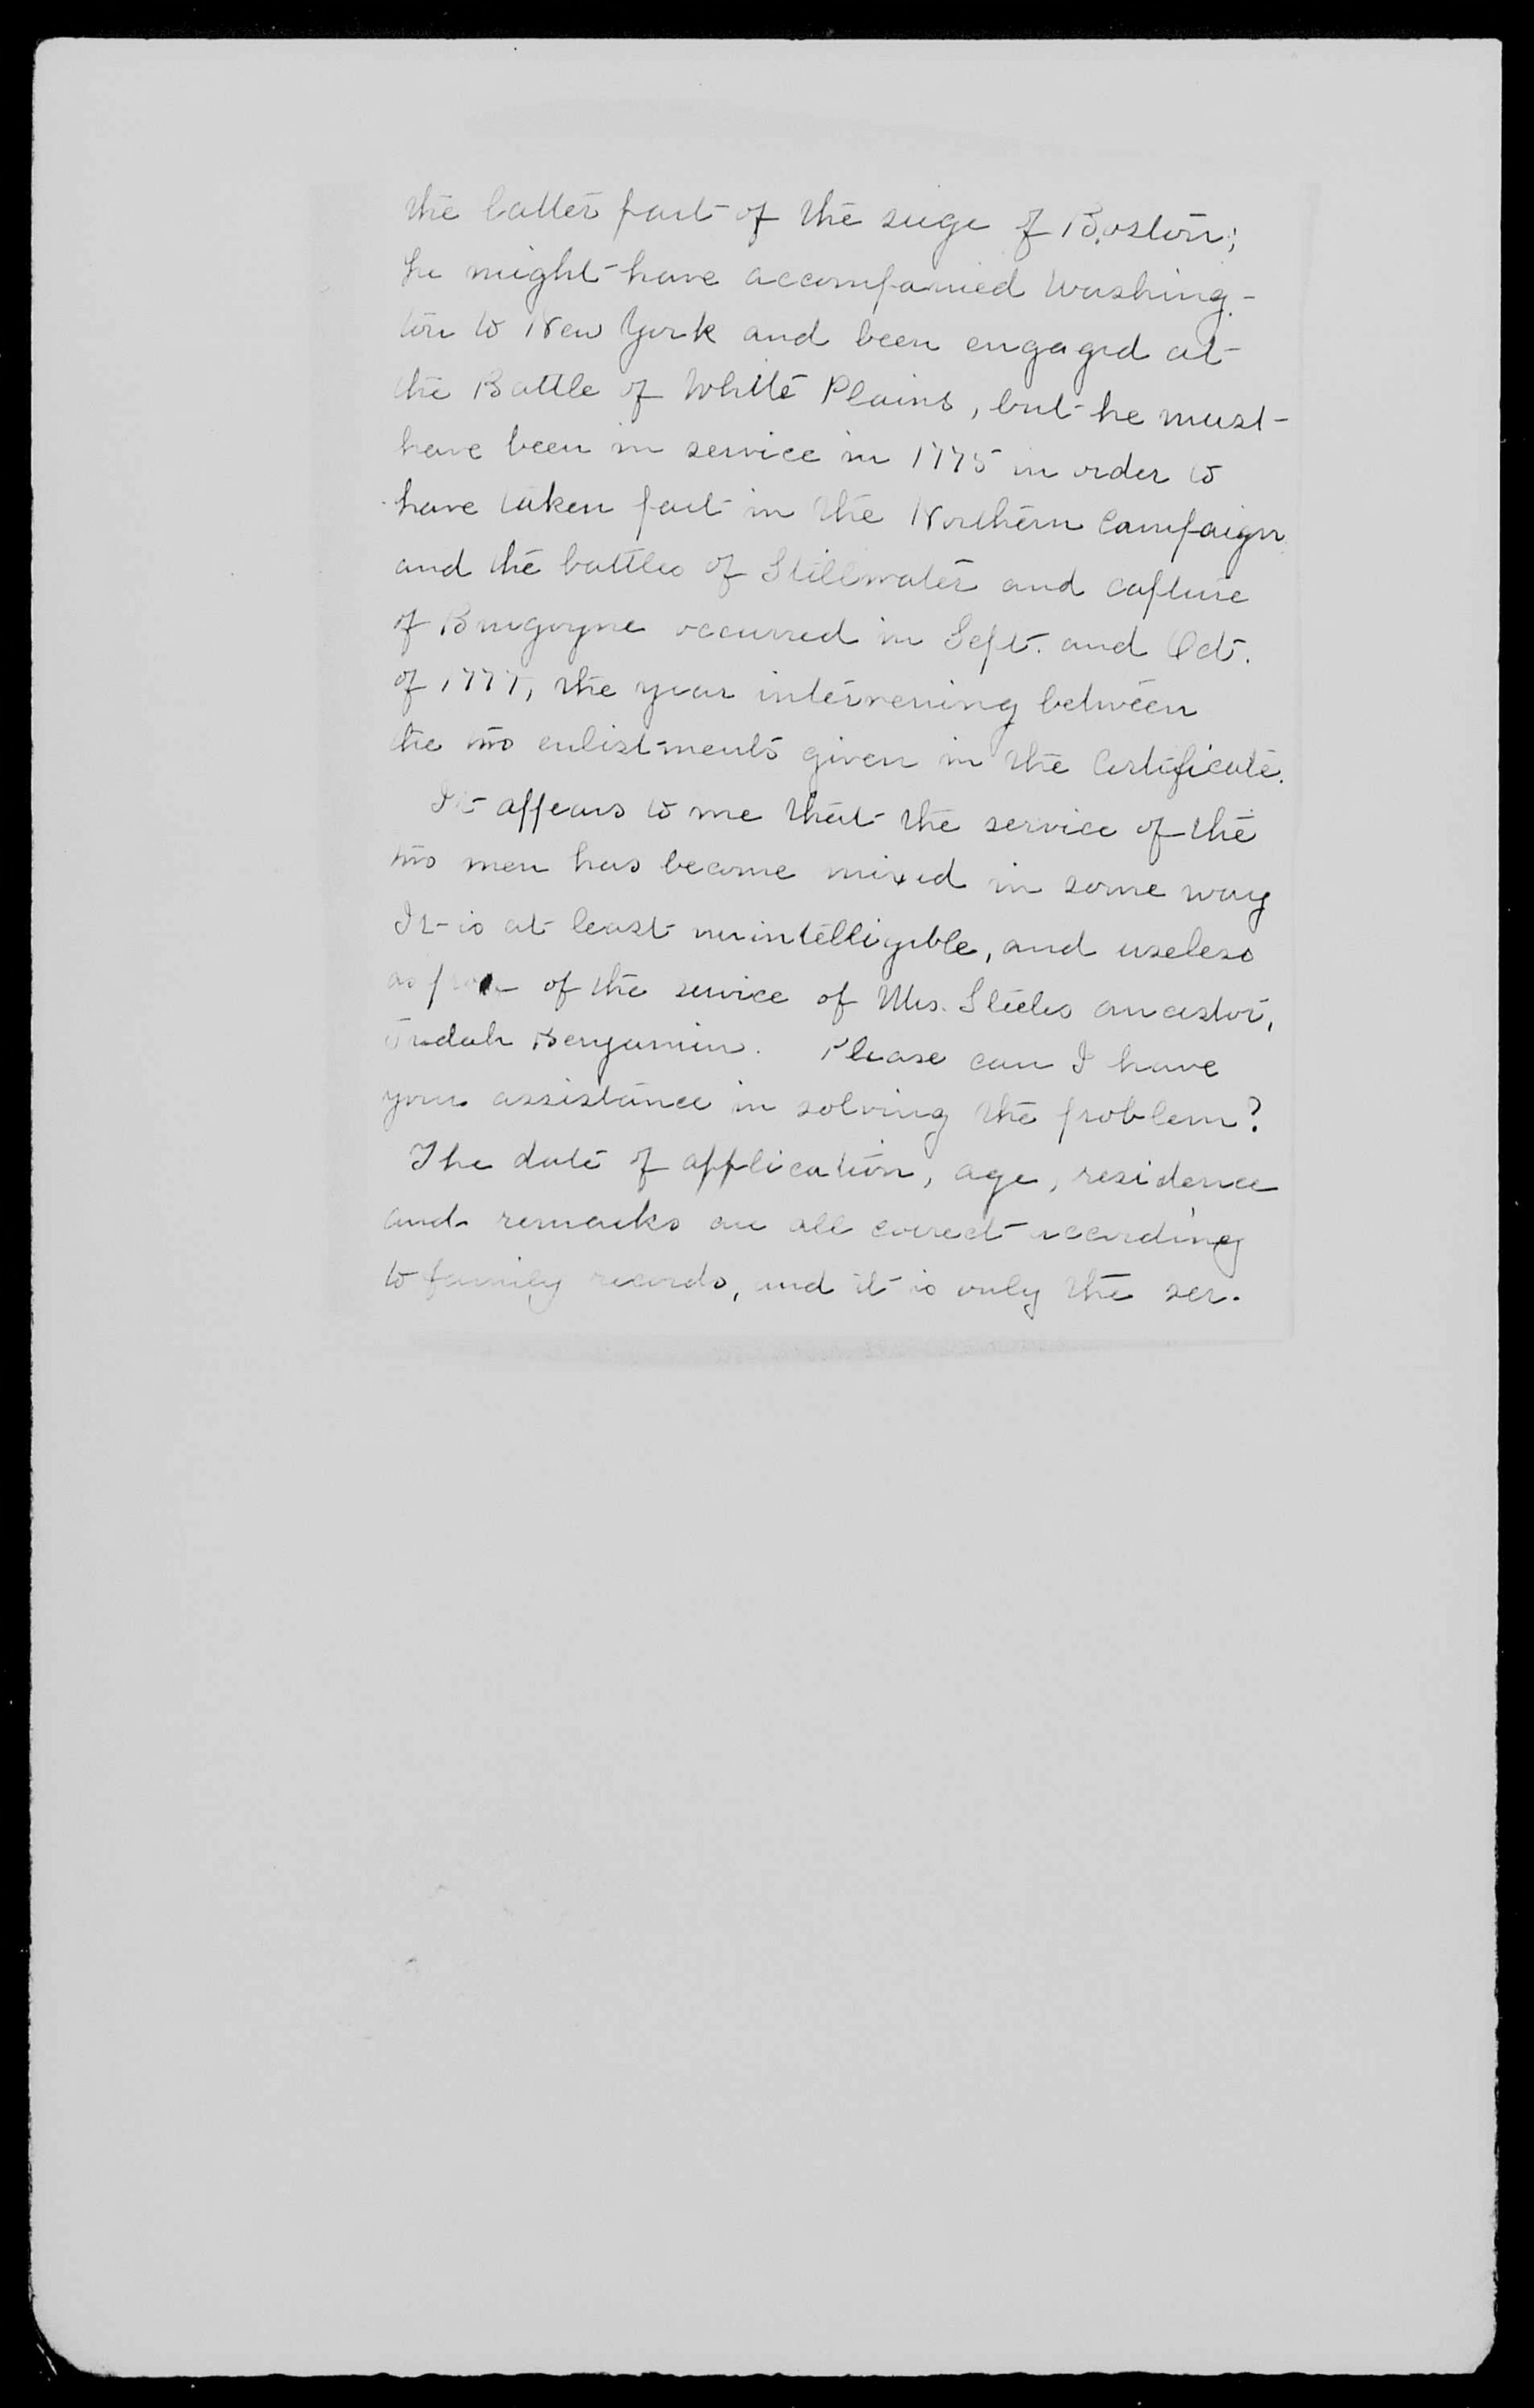the latter part - of the siege of Boston; he might have accompanied Washington to New York and been engaged at the Battle of White Plains, but he must have been in service in 1775 in order to have taken part in the Northern Campaign and the battle of Stillwater and capture of Burgoyne occurred in Sept. and Oct of 1777, the year intervening between the two enlistments given in the certificate.
It appears to me that the service of the two men has become mixed in some way  It is at least unintelligible, and useless [illegible] of the service of Mrs. Steeles ancestor, Judah Benjamin.  Please can I have your assistance in solving the problem?
The date of application, age, residence and remarks are all correct according to family records, and it is only the ser-
[end of page]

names: Steeles, Judah Benjamin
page: 26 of 34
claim: survivor's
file: S. 39981, Judah Benjamin, Continental (N. H. And N. Y.)